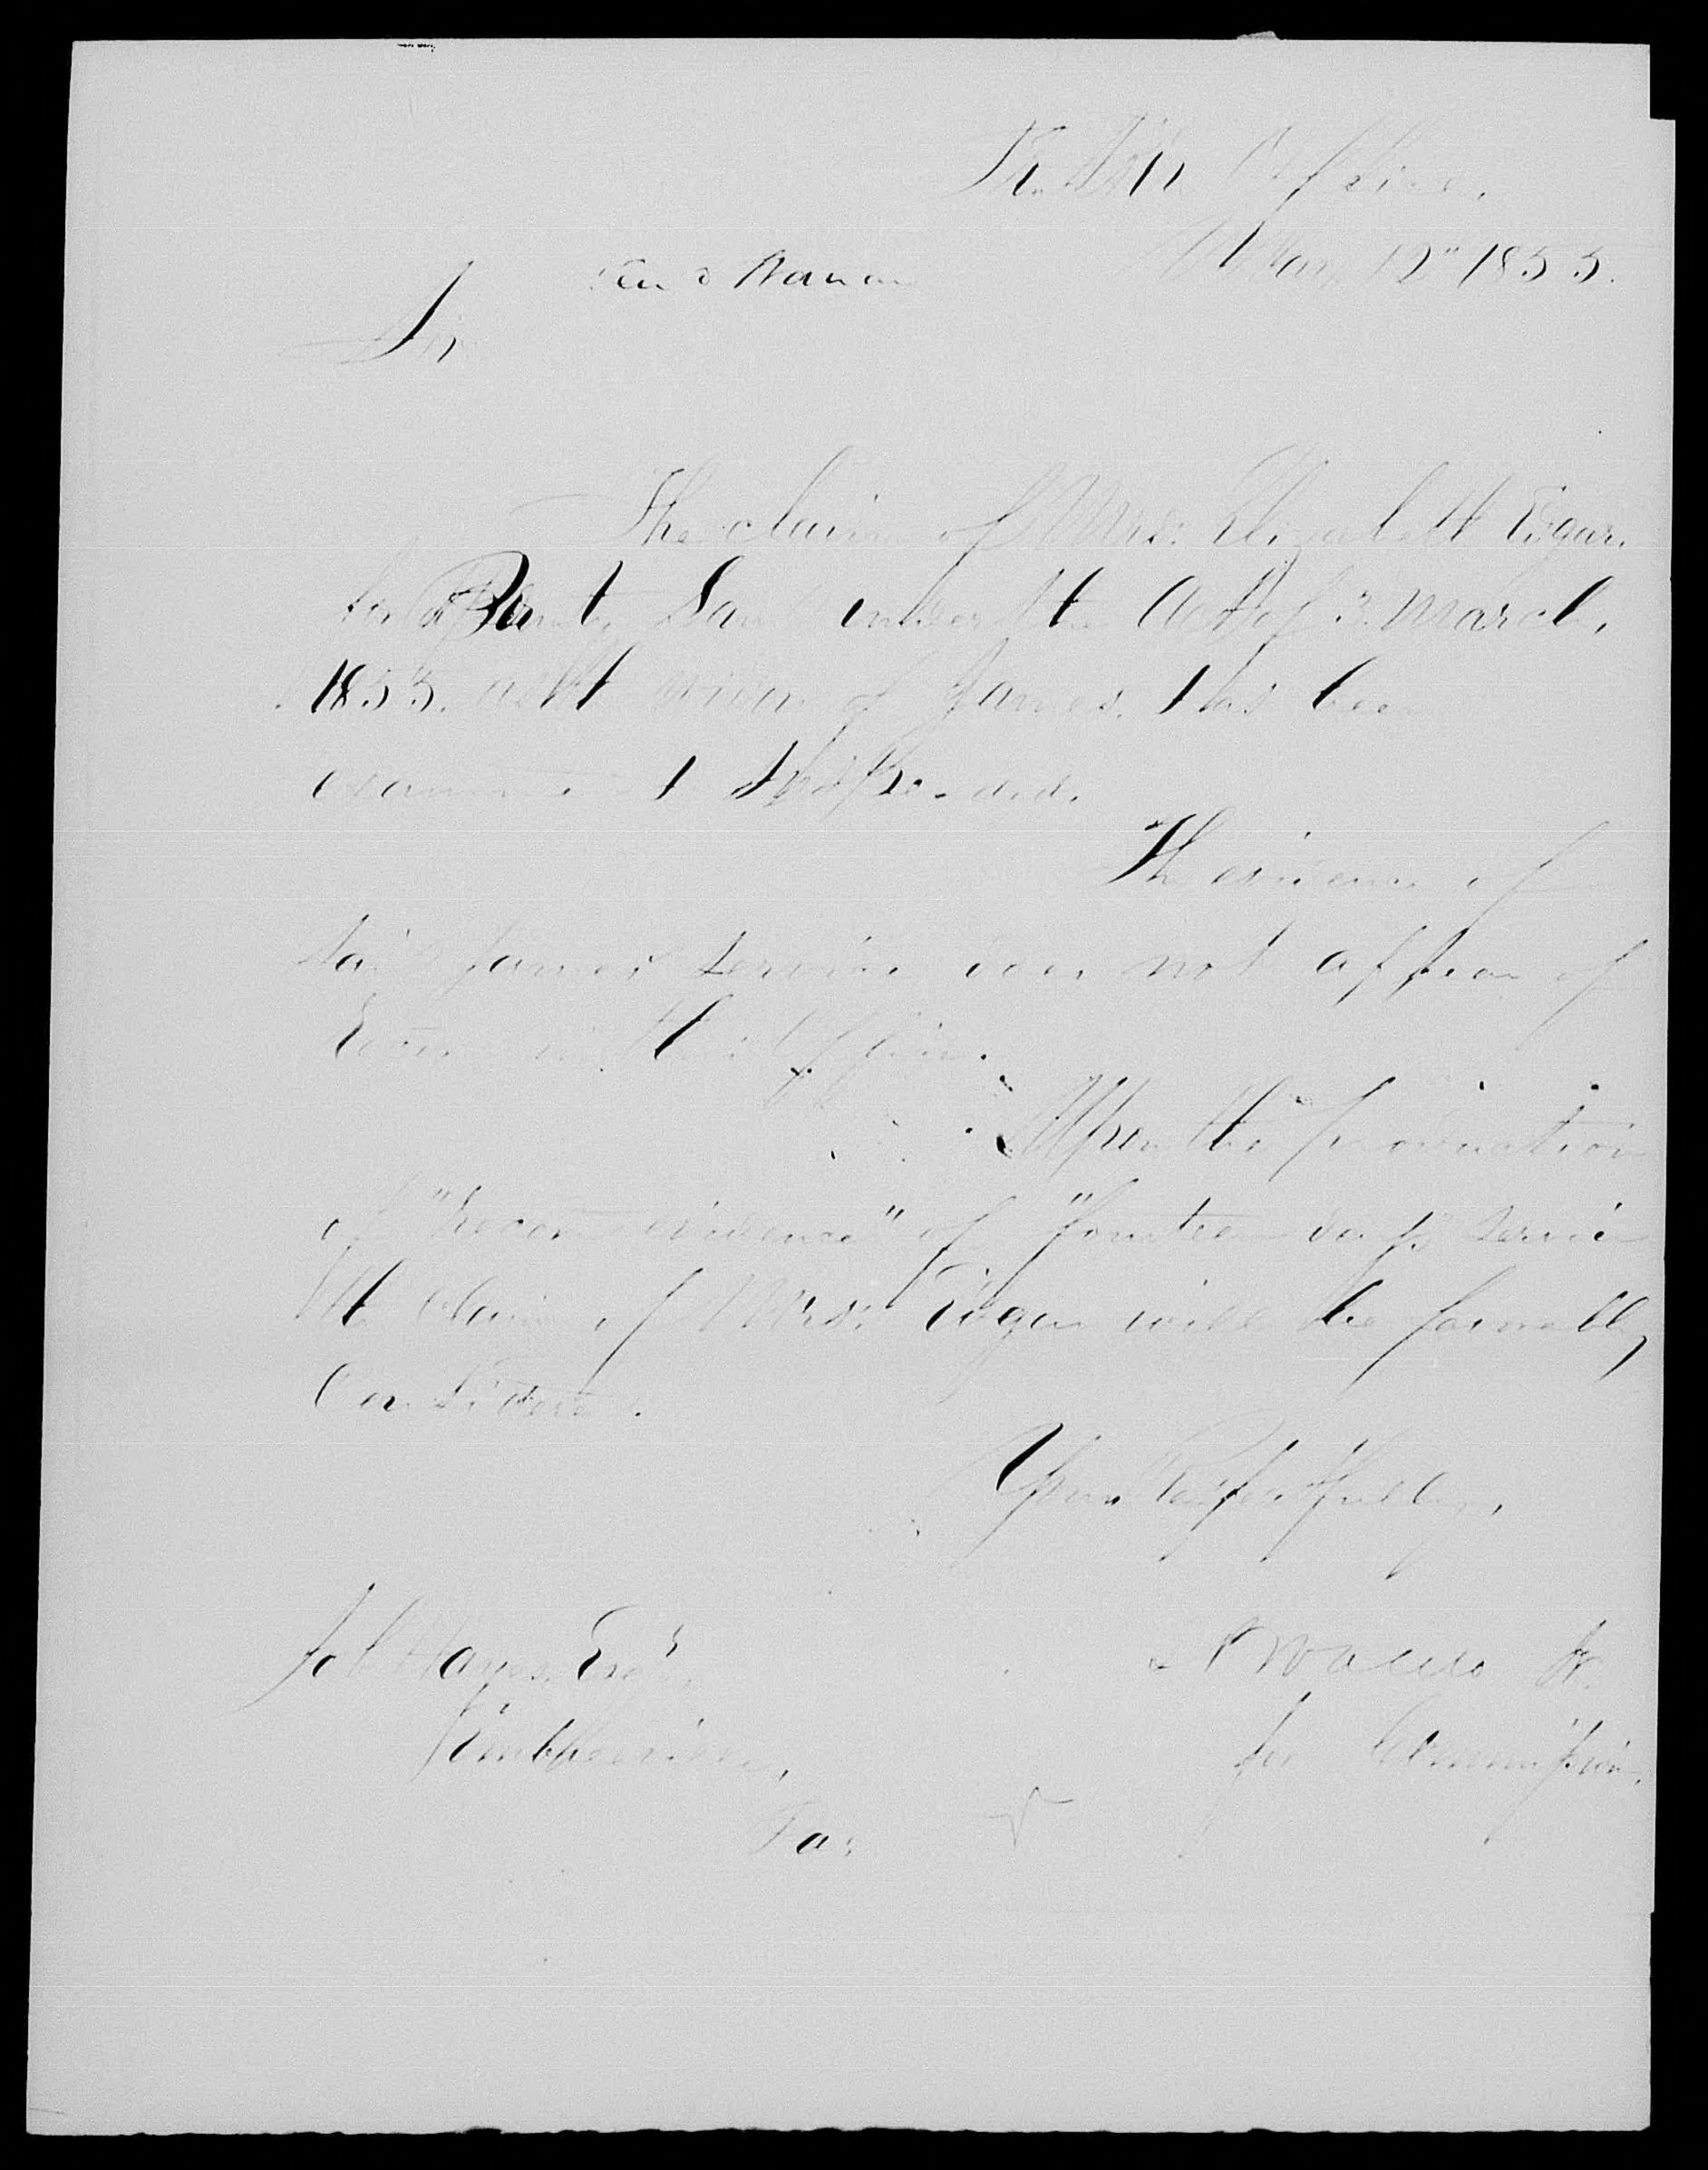[illegible] Office
May 12" 1855.

[illegible]

Sir
The claim of Mrs Elizabeth Edgar
for Bounty Land under the Act of 3 March,
1855 as the widow of James has been 
examined & inspected.
The evidence of
said James Service does not appear of
[illegible] this office.
I hope the production
of "record evidence" of "fourteen days" service
[illegible] claim of Mrs: Edgar will be formally
considered.
Yours Respectfully
LP Waldo Jr.
for Commission

Job Hayes Esq
Embreeville Pa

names: Elizabeth Edgar, Edgar, L P Waldo, Job Hayes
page: 58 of 74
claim: widow's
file: W. 9422, James Edgar, Penn.